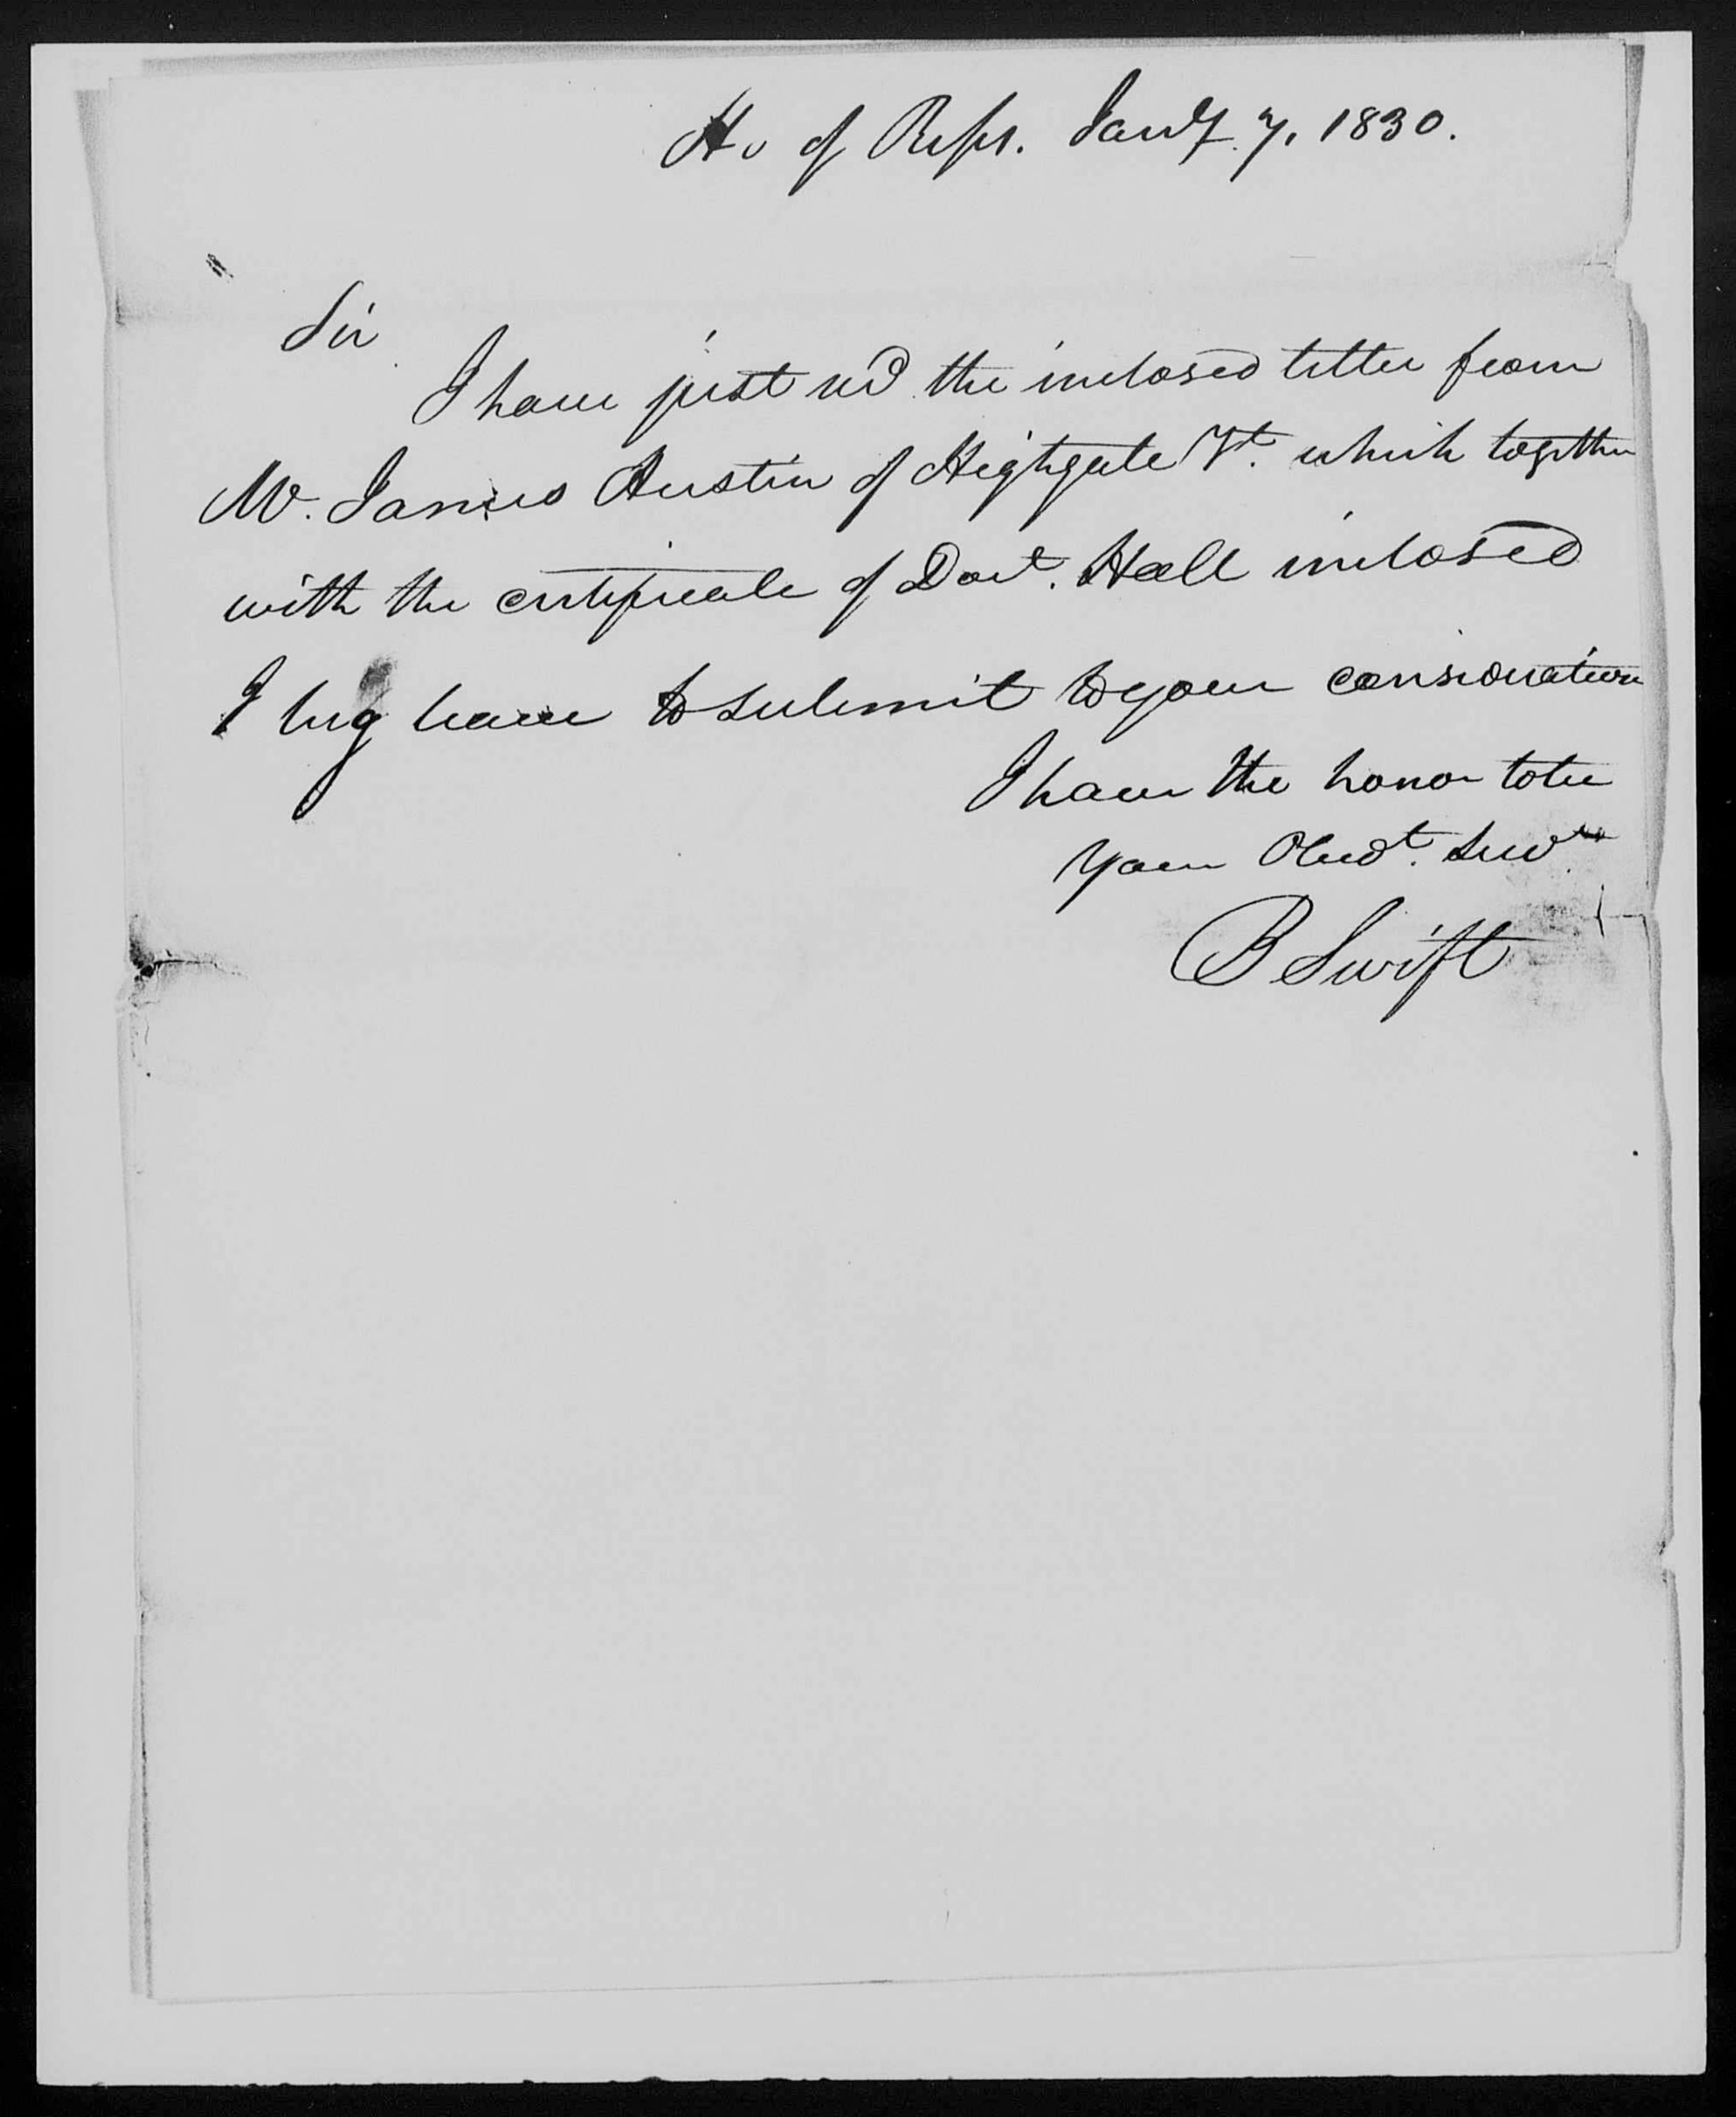Ho of Repr. Jany, 1830

Sir 
I have just recd the inclosed [sic] letter from Mr. James Austin of Highgate Vt. which together with the certificate of Doct. Hall inclosed I beg leave to submit to your consideration 
I have the honor to be your obedt. serv.
B Swift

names: B Swift, James Austin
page: 91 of 100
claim: survivor's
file: S 19186, James Austin, Conn. New York R.I.